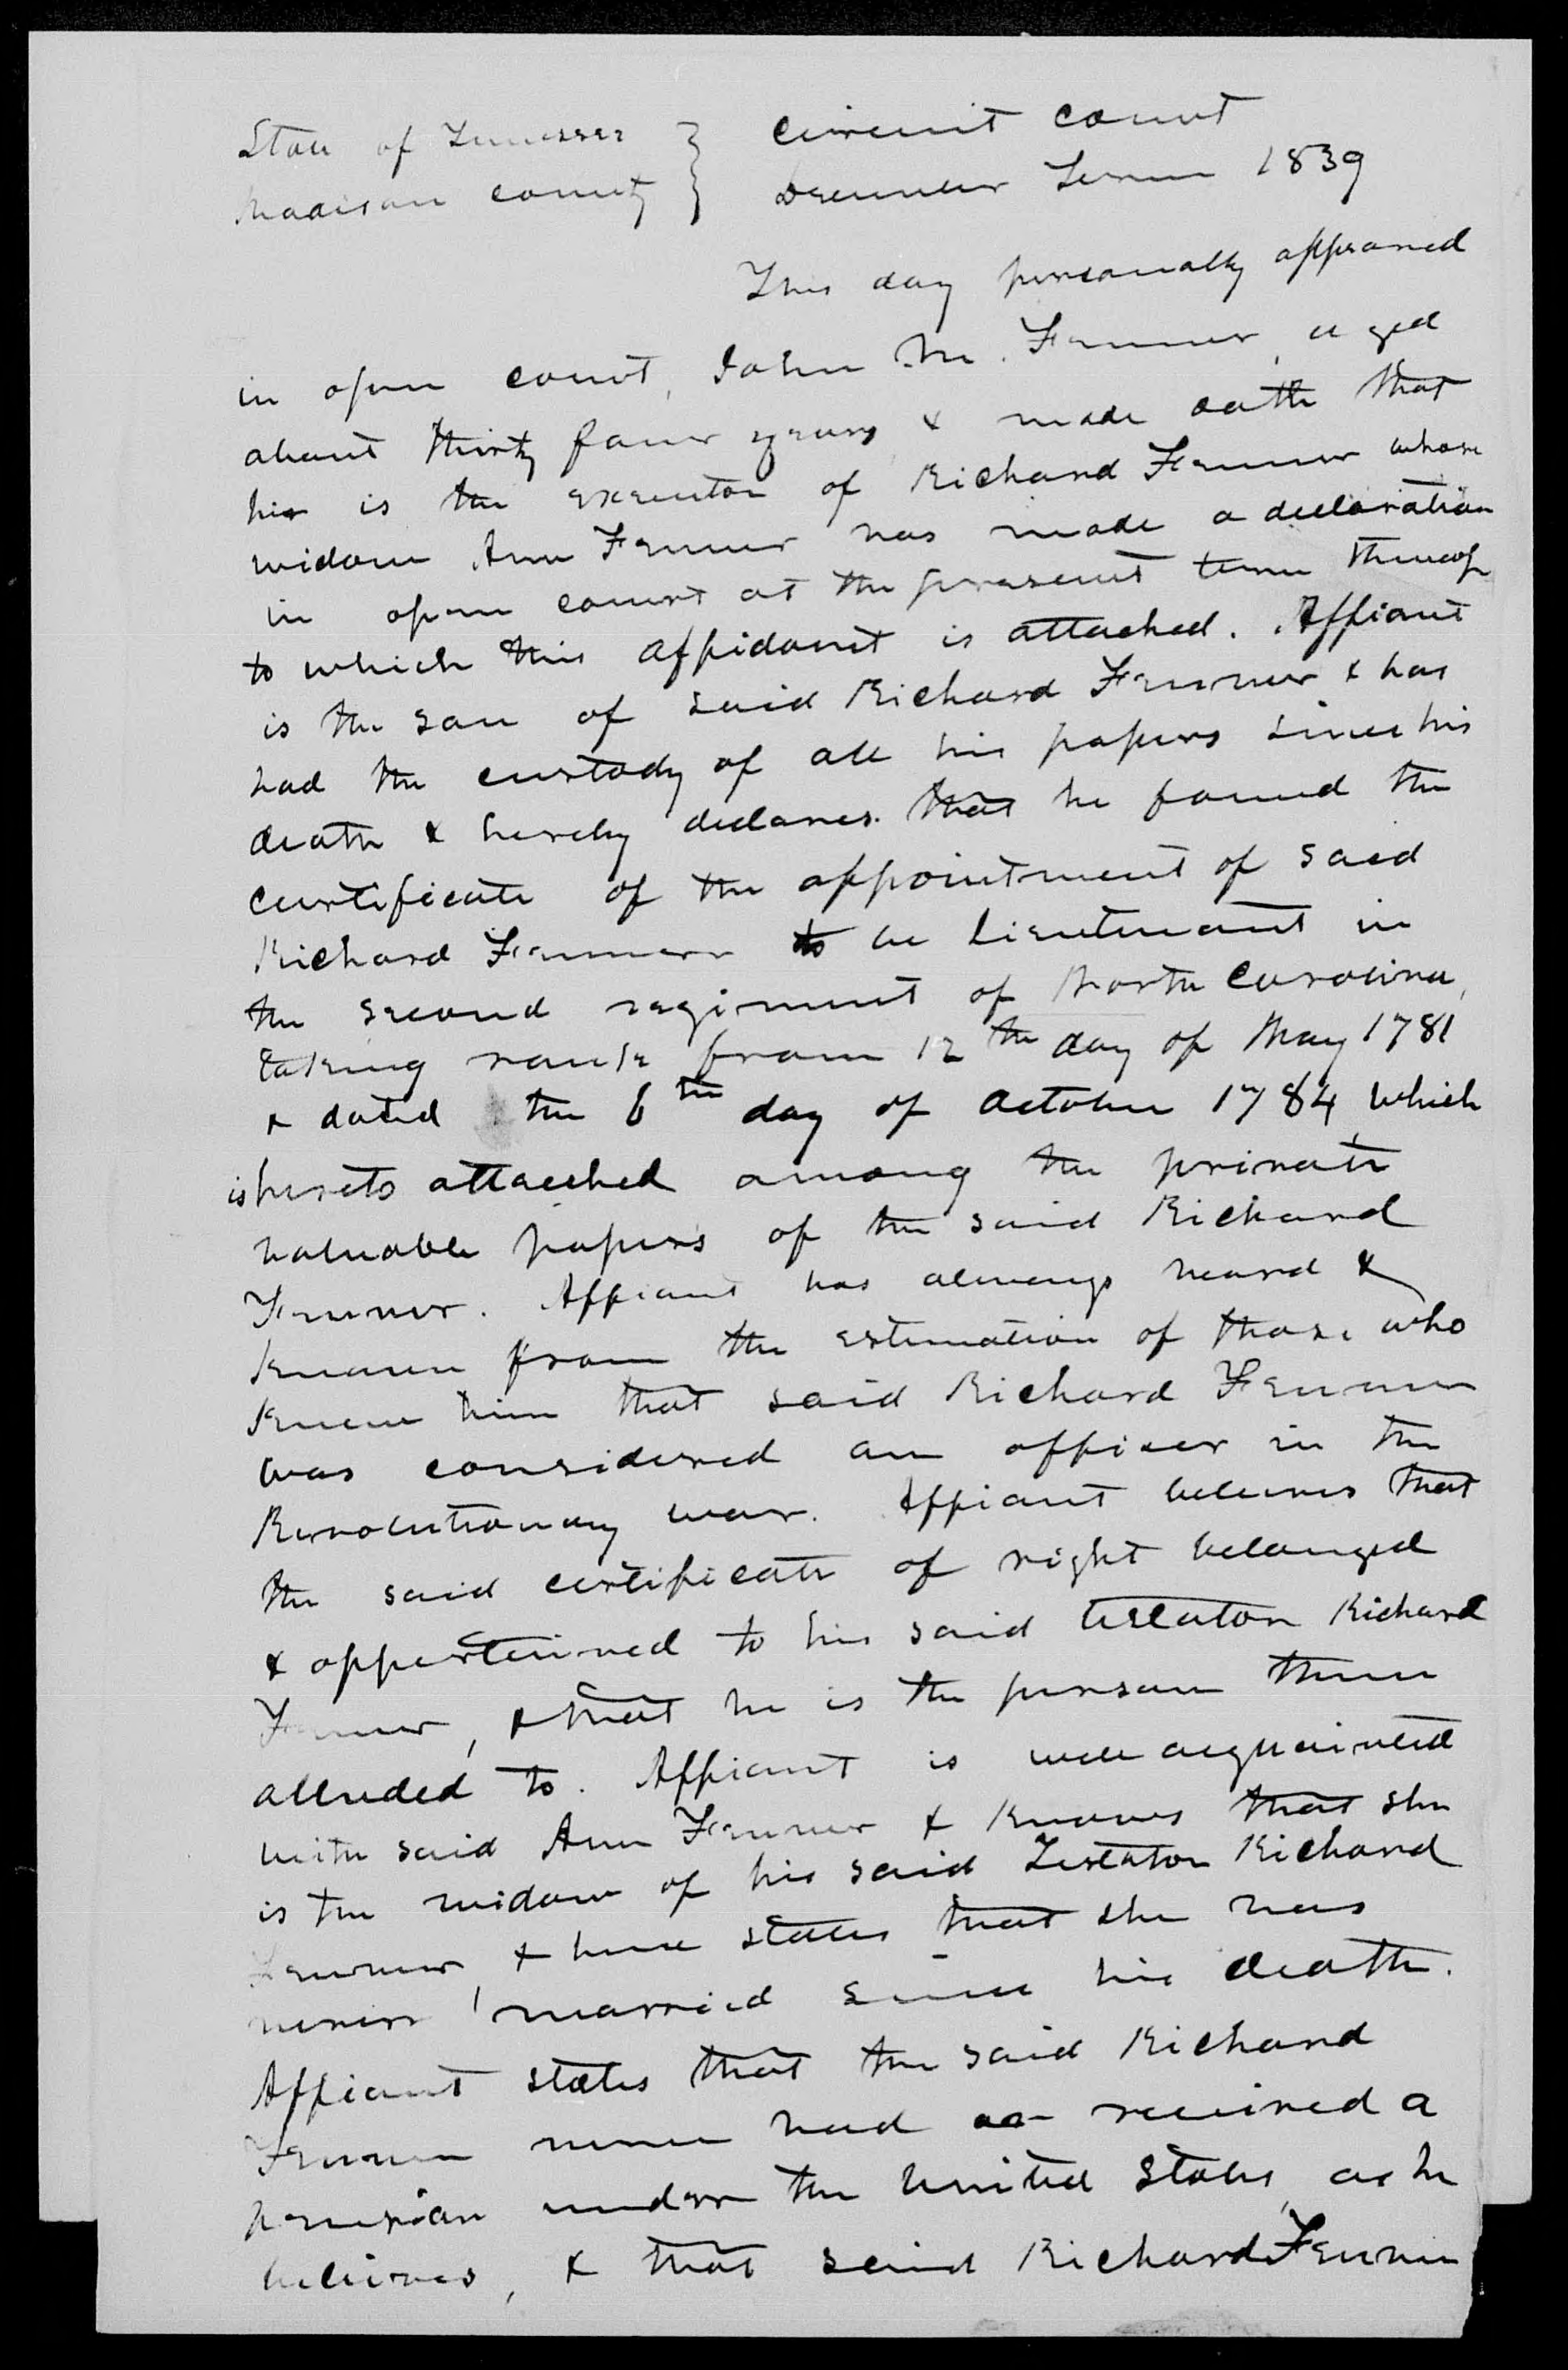State of Tennessee
Madison County

Circuit Court
December Term 1839

This day personally appeared in open court, John M. Fenner, aged about thirty four years & made oath that his is the executor of Richard Fenner whose widow Ann Fenner was made a _ in open court at the _ term _ to which this affidvit is attached. Affiant is the son of said Richard Fenner & has had the custody of all his papers since his death & _ _ that he found the certificate of the appointment of said Richard Fenner to be Lieutenant in the second regiment of North Carolina tking rank from 12th day of May 1781 & dates the 6th day of October 1784 which is hereto attached among the within valuable papers of the said Richard Fenner. Affiant has always heard & known from the _ of those who knew him that said Richard Fenner was considered an officer in the Revolutionary war. Affiant believes that the said certificate of right belonged & apportioned to his said relation Richard Fenner, that he is the person therr alluded to. Affiant is well acquainted with said Ann Fenner & knows that she is the widow of his said Lieutenant Richard Fenner & here states that she has never married since his death. Affiant states that the said Richard Fenner _ had as _ a _ under the United States as he believes & that said Richard Fenner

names: Richard Fenner, Richard Fenner, Richard Fenner, Ann Fenner, Richard Fenner, John M Fenner, Ann Fenner, Richard Fenner, Richard Fenner, Richard Fenner, Richard Fenner, Richard Fenner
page: 7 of 39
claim: widow's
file: W. 789, Richard Fenner, N.C.